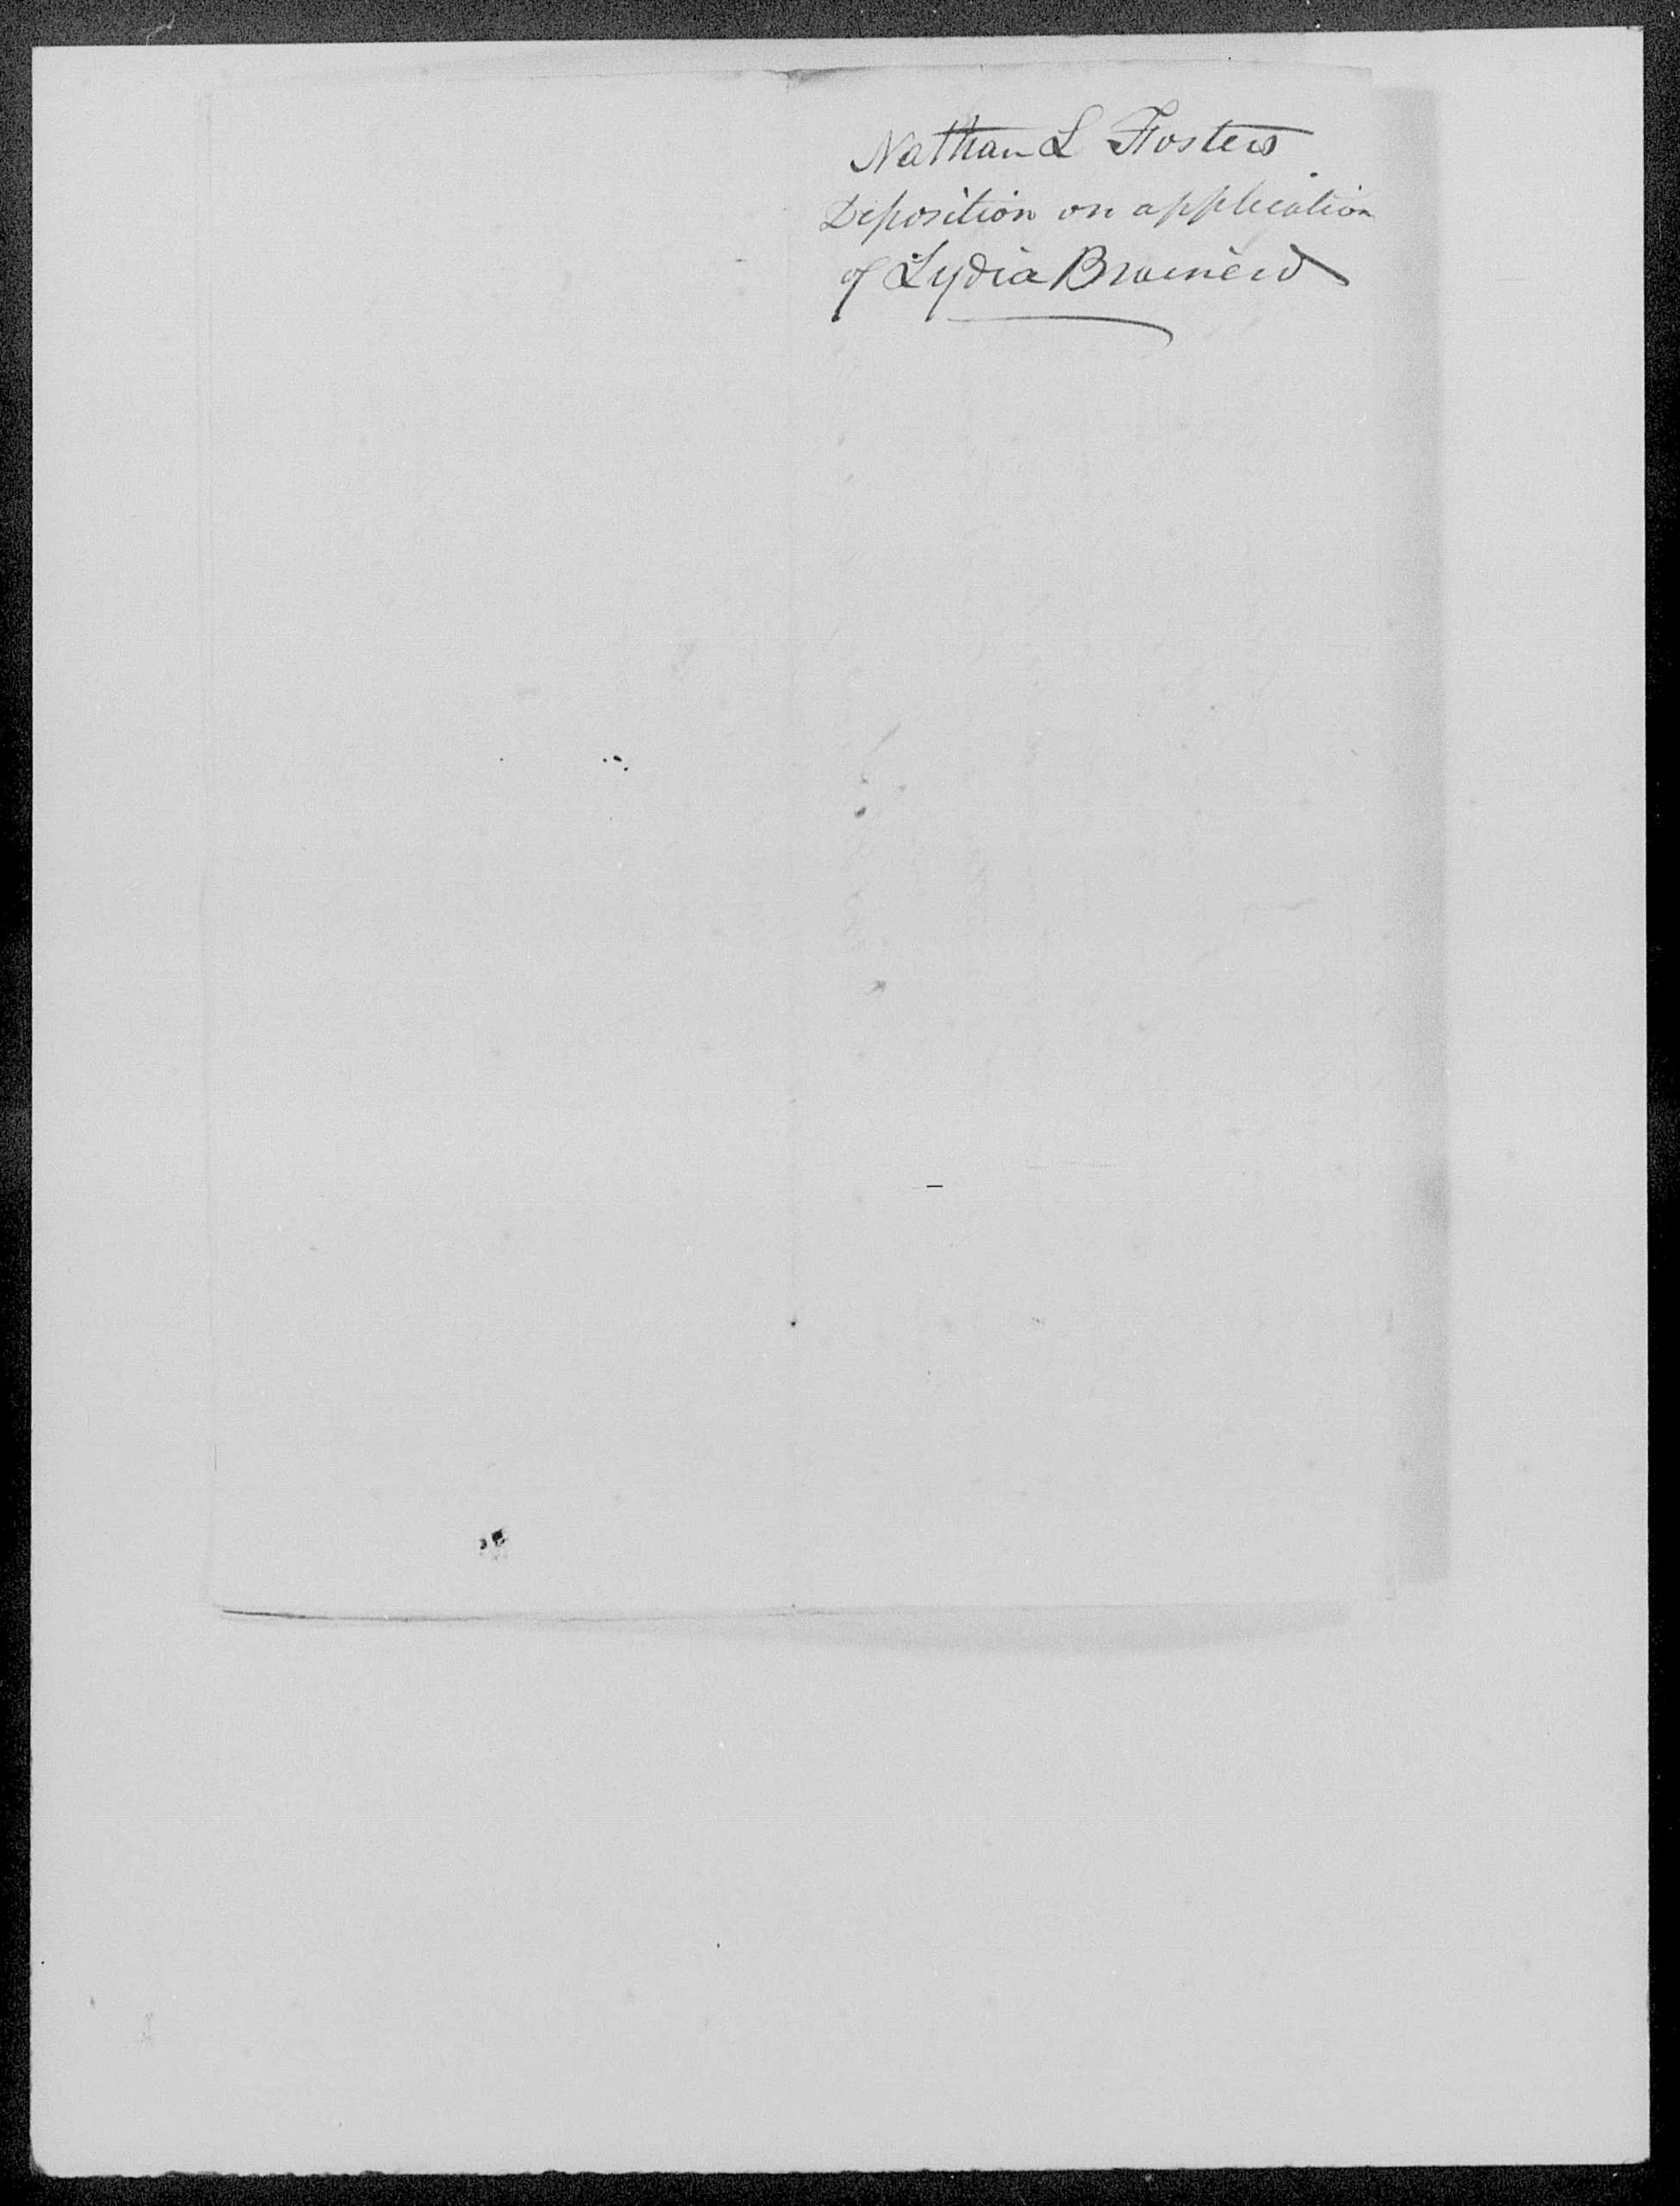Nathan L Fosters
Deposition on application of Lydia Brainerd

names: Lydia Brainerd, Nathan L Foster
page: 6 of 25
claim: widow's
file: W. 23,671, Bezaleel Brainard, Conn.